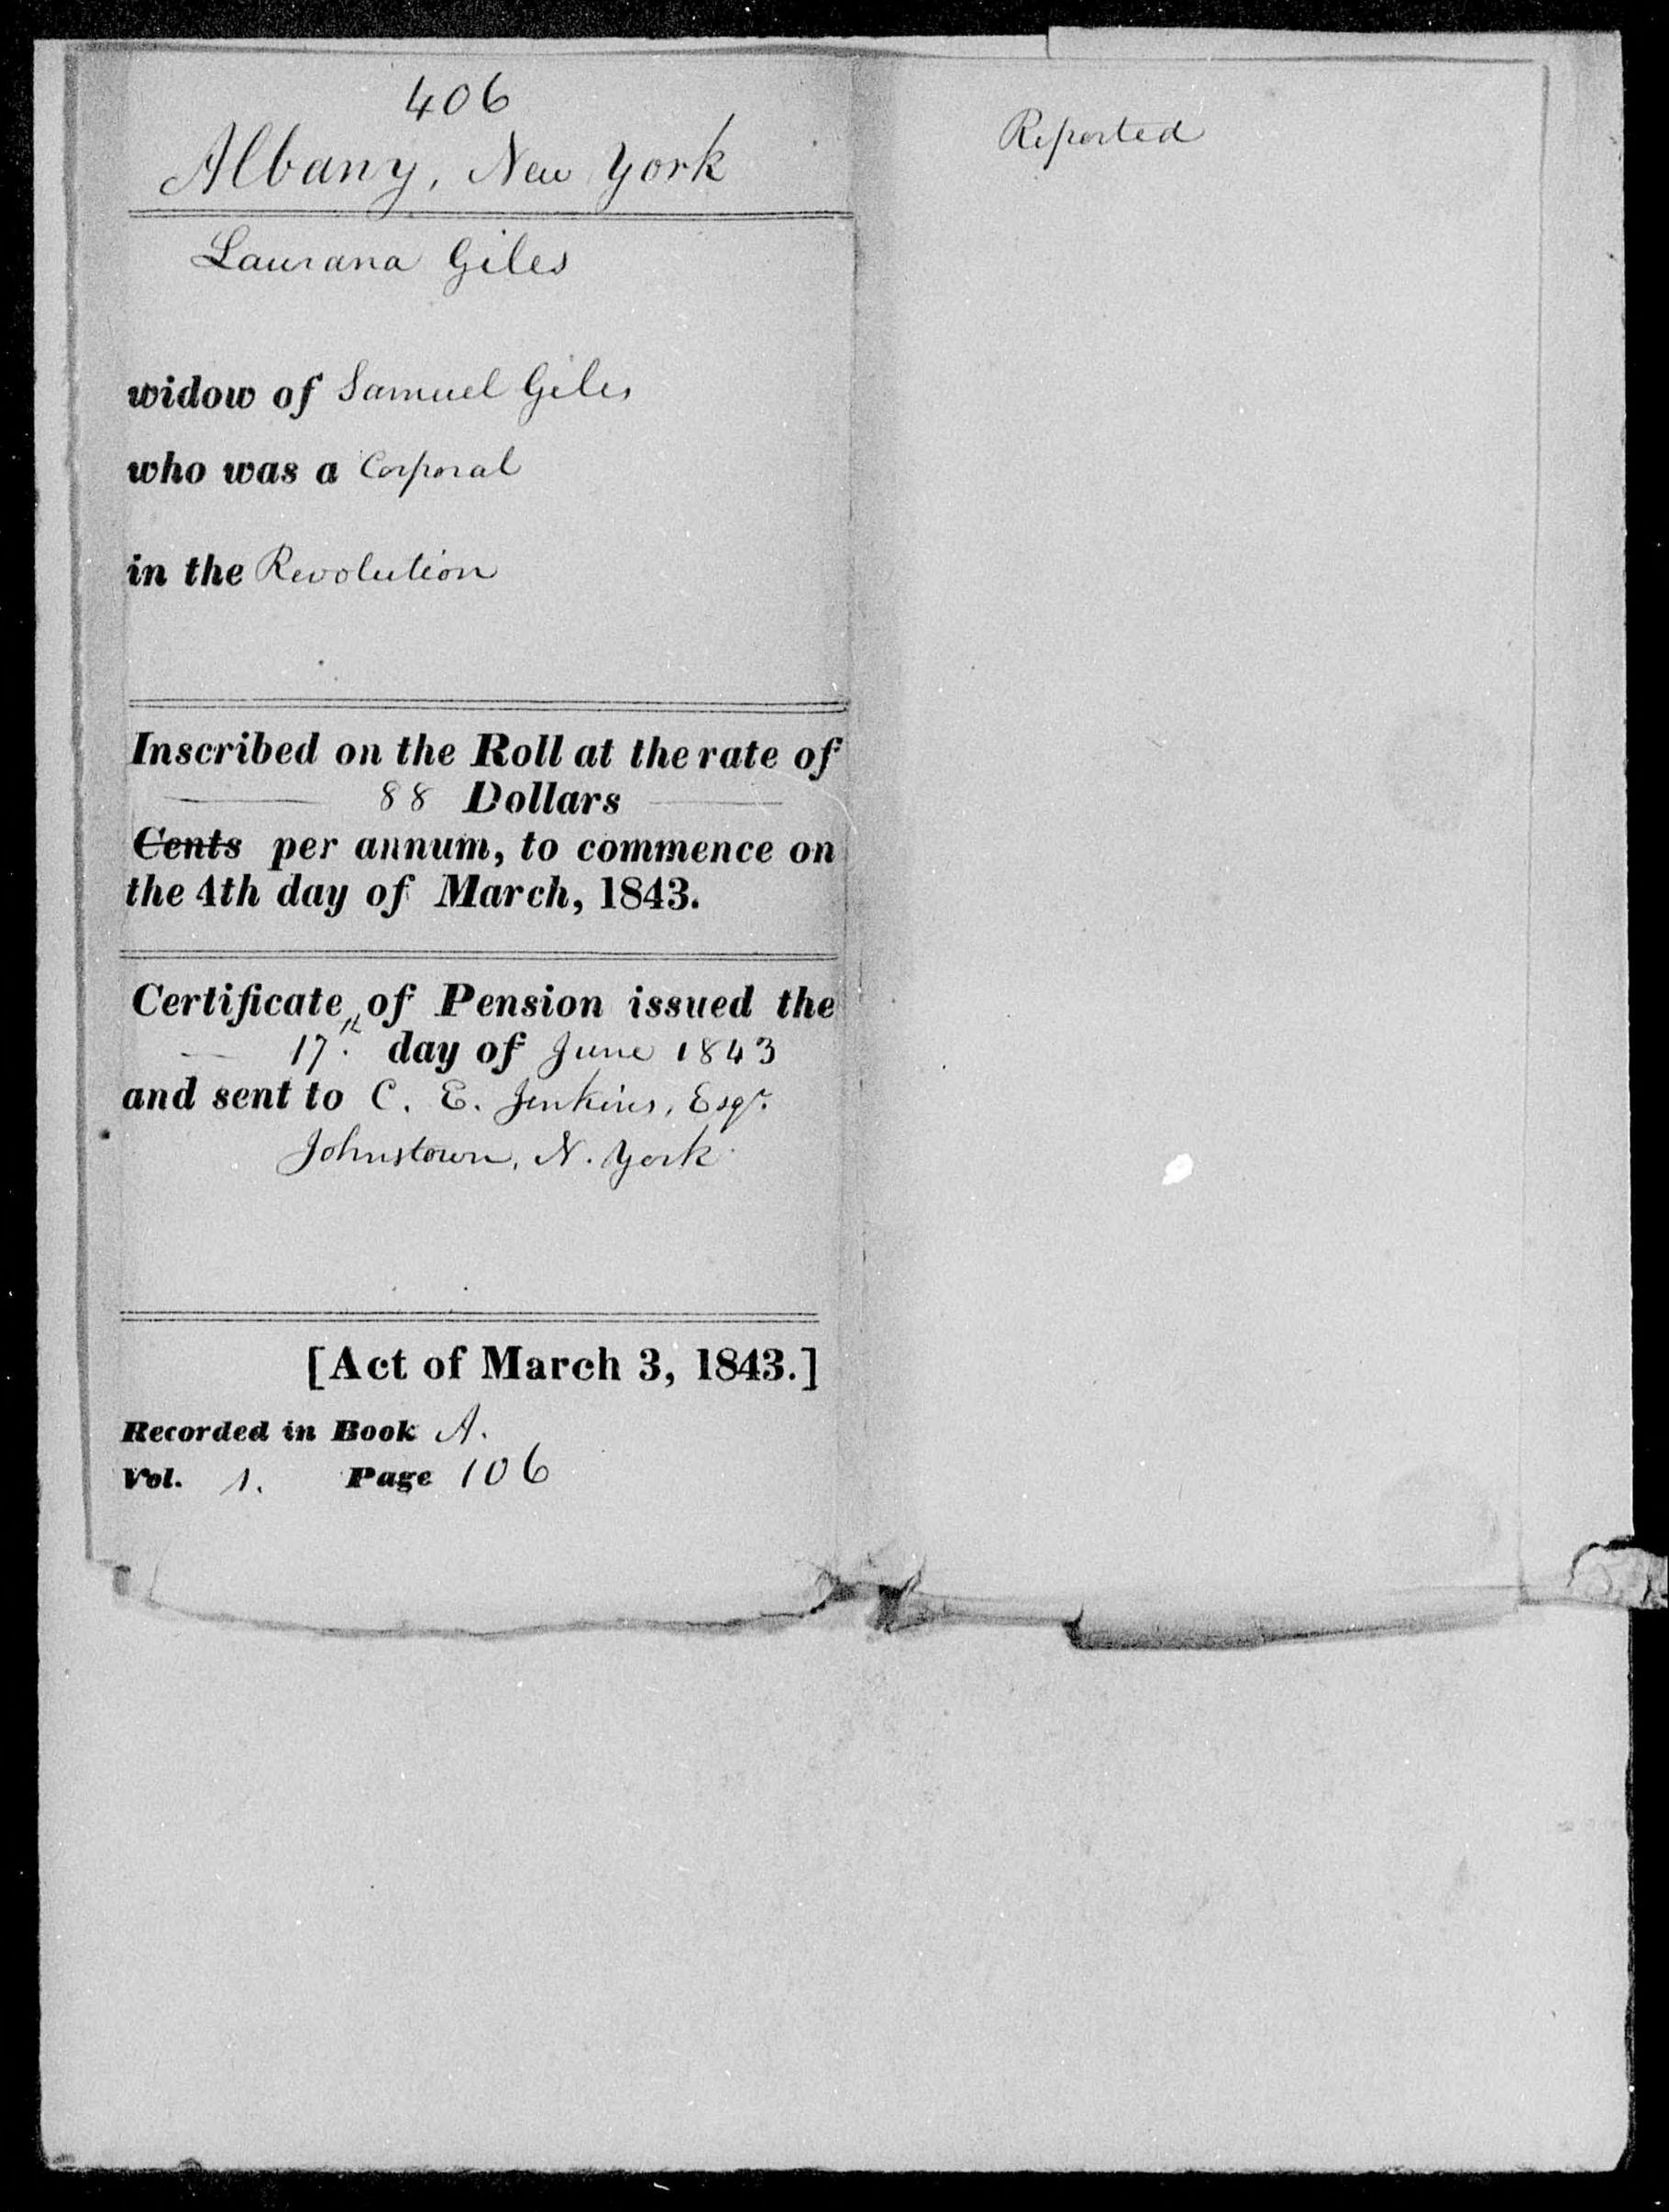406
Albany, New York
Laurana Giles
widow of Samuel Giles
who was a Corporal
in the Revolution
Inscribed on the Roll at the rate of  
88 Dollars Cents [crossed out] per annum, to commence on the 4th day of March, 1843.
Certificate of Pension issued the 17th day of June 1843 and sent to C. E. Jenkins, Esq: 
Johnstown, N. York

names: C E Jenkins, Samuel Giles, Laurana Giles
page: 33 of 55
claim: widow's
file: W. 19503, Samuel Giles, Conti. Mass. New York